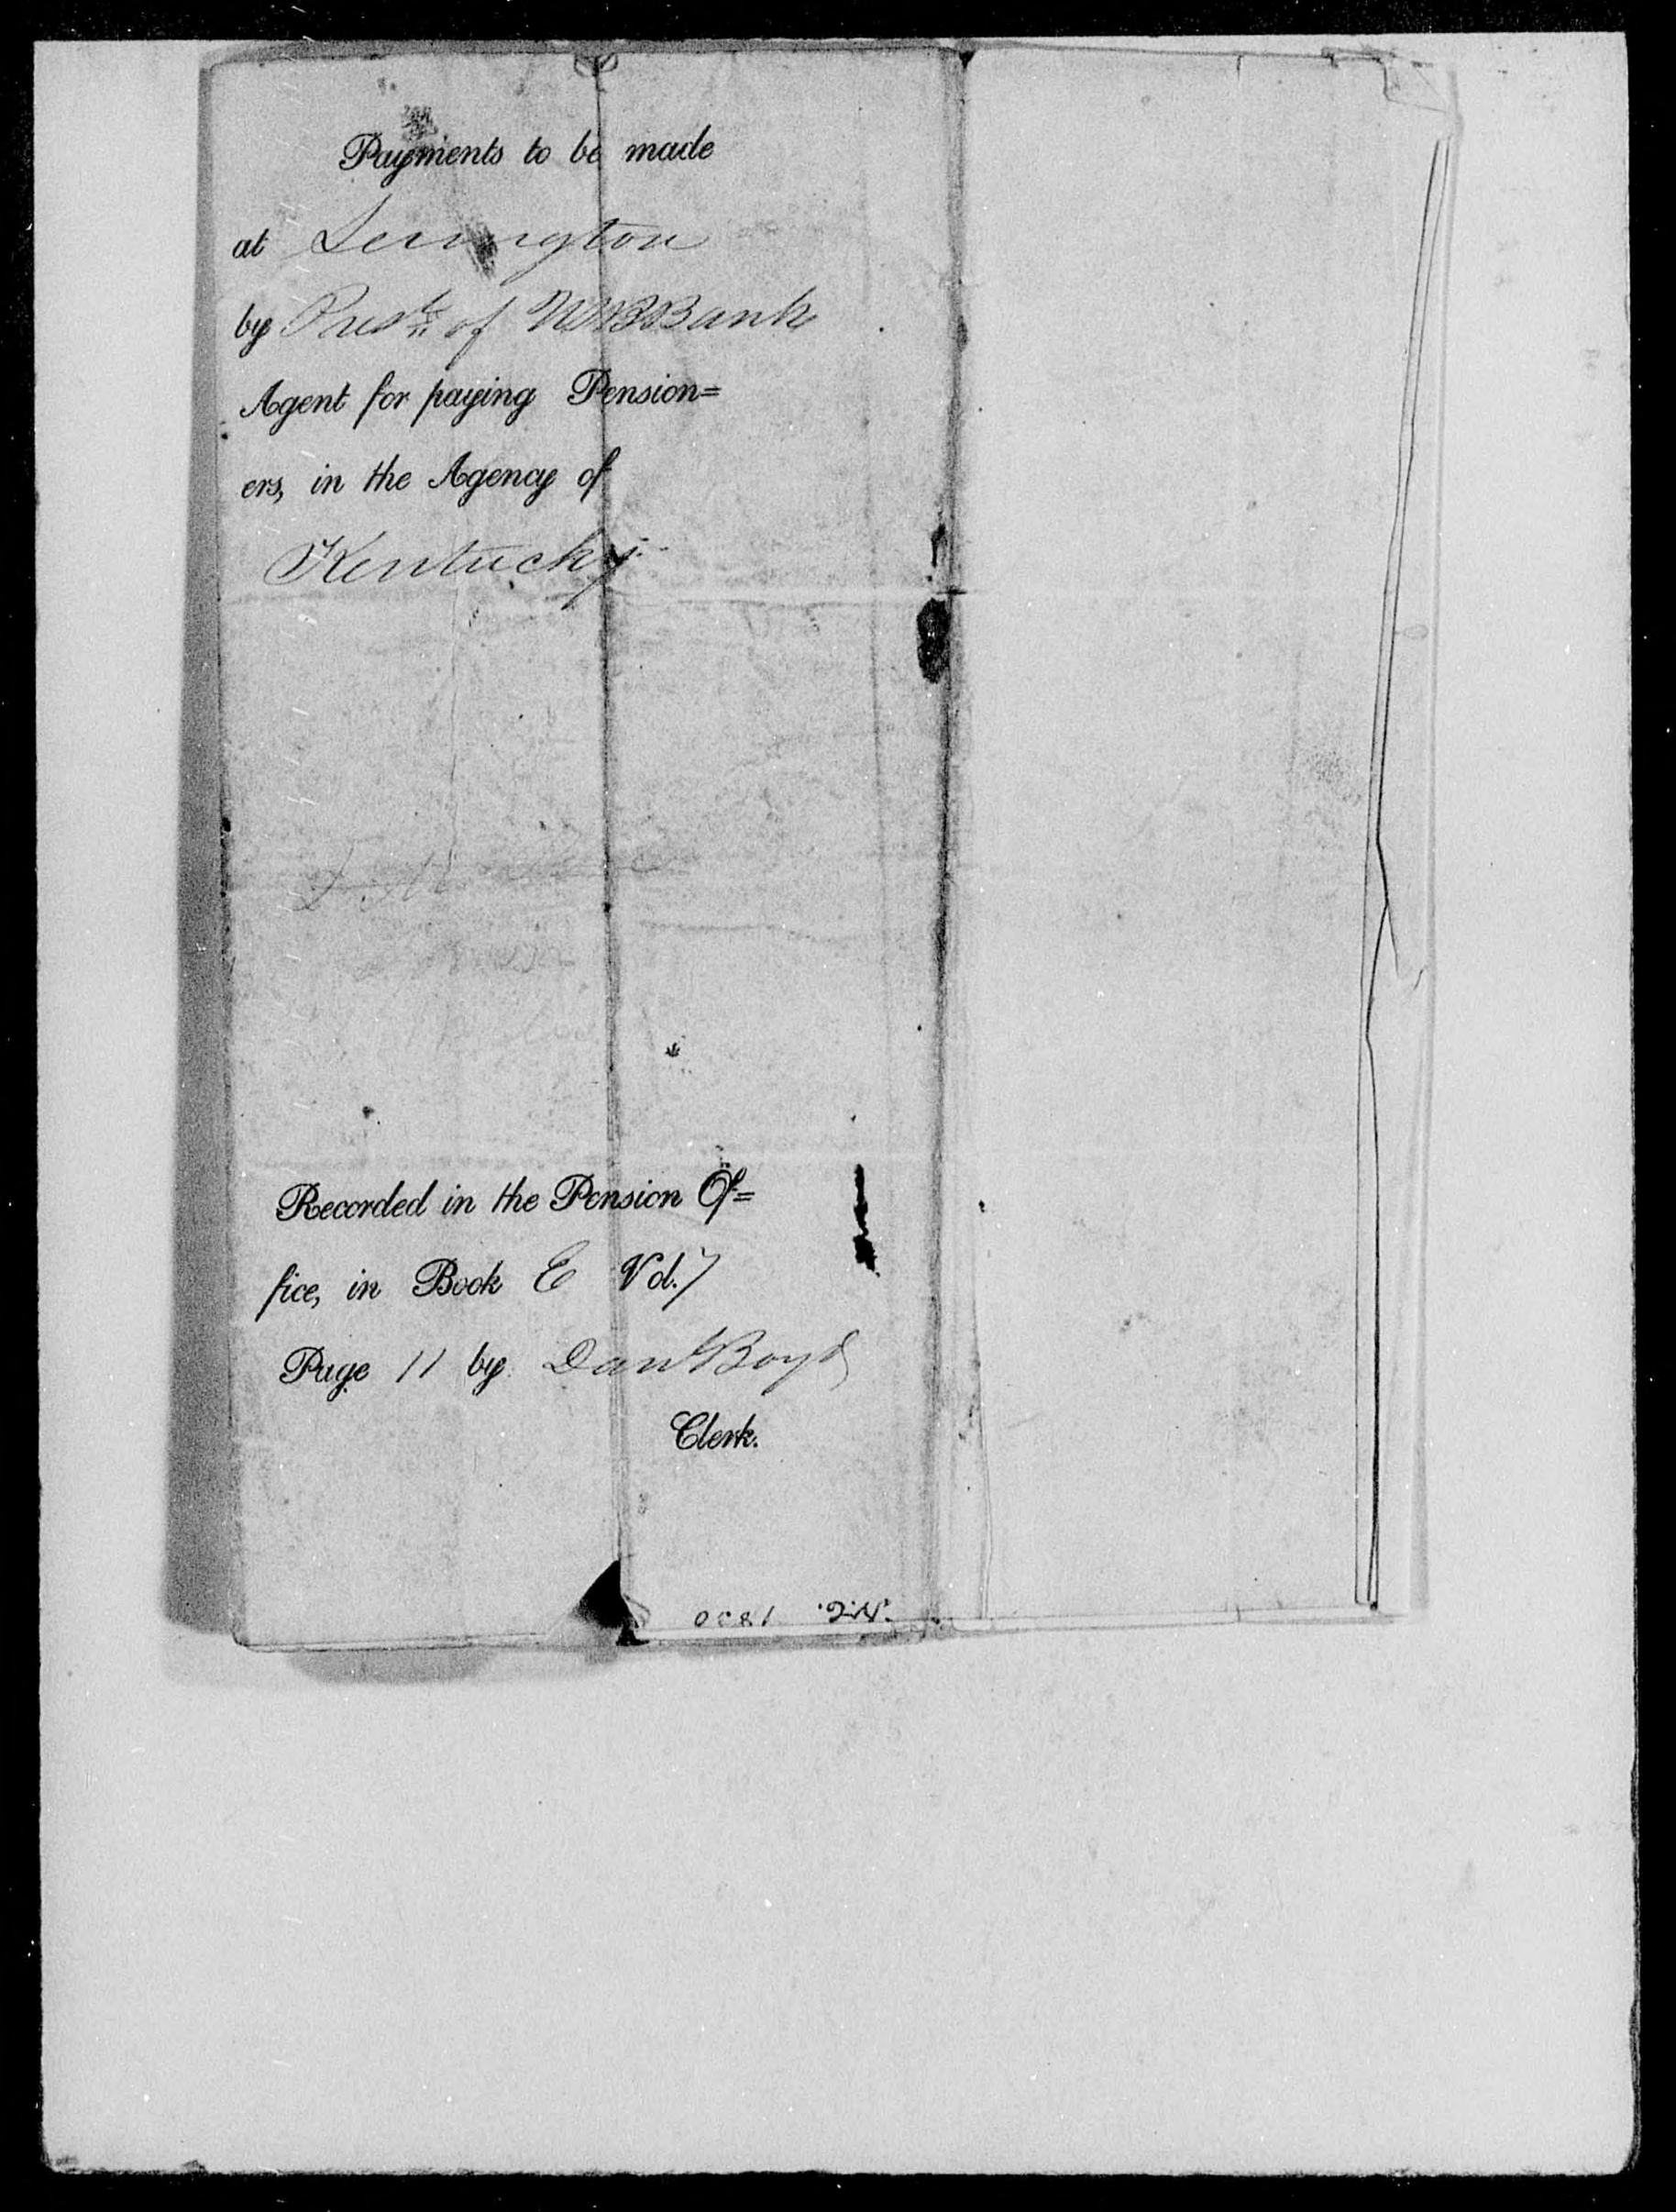Payments to be made
at Lexington
by Pres't. of W.B. Bank
Agent for paying Pensioners, 
in the Agency of Kentucky
Recorded in the Pension Office,
in Book E  Vol. 7  Page 11
by: Dan Boyd
Clerk,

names: Danl Boyd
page: 70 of 82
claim: widow's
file: W. 7,522, John Giles, N.C.